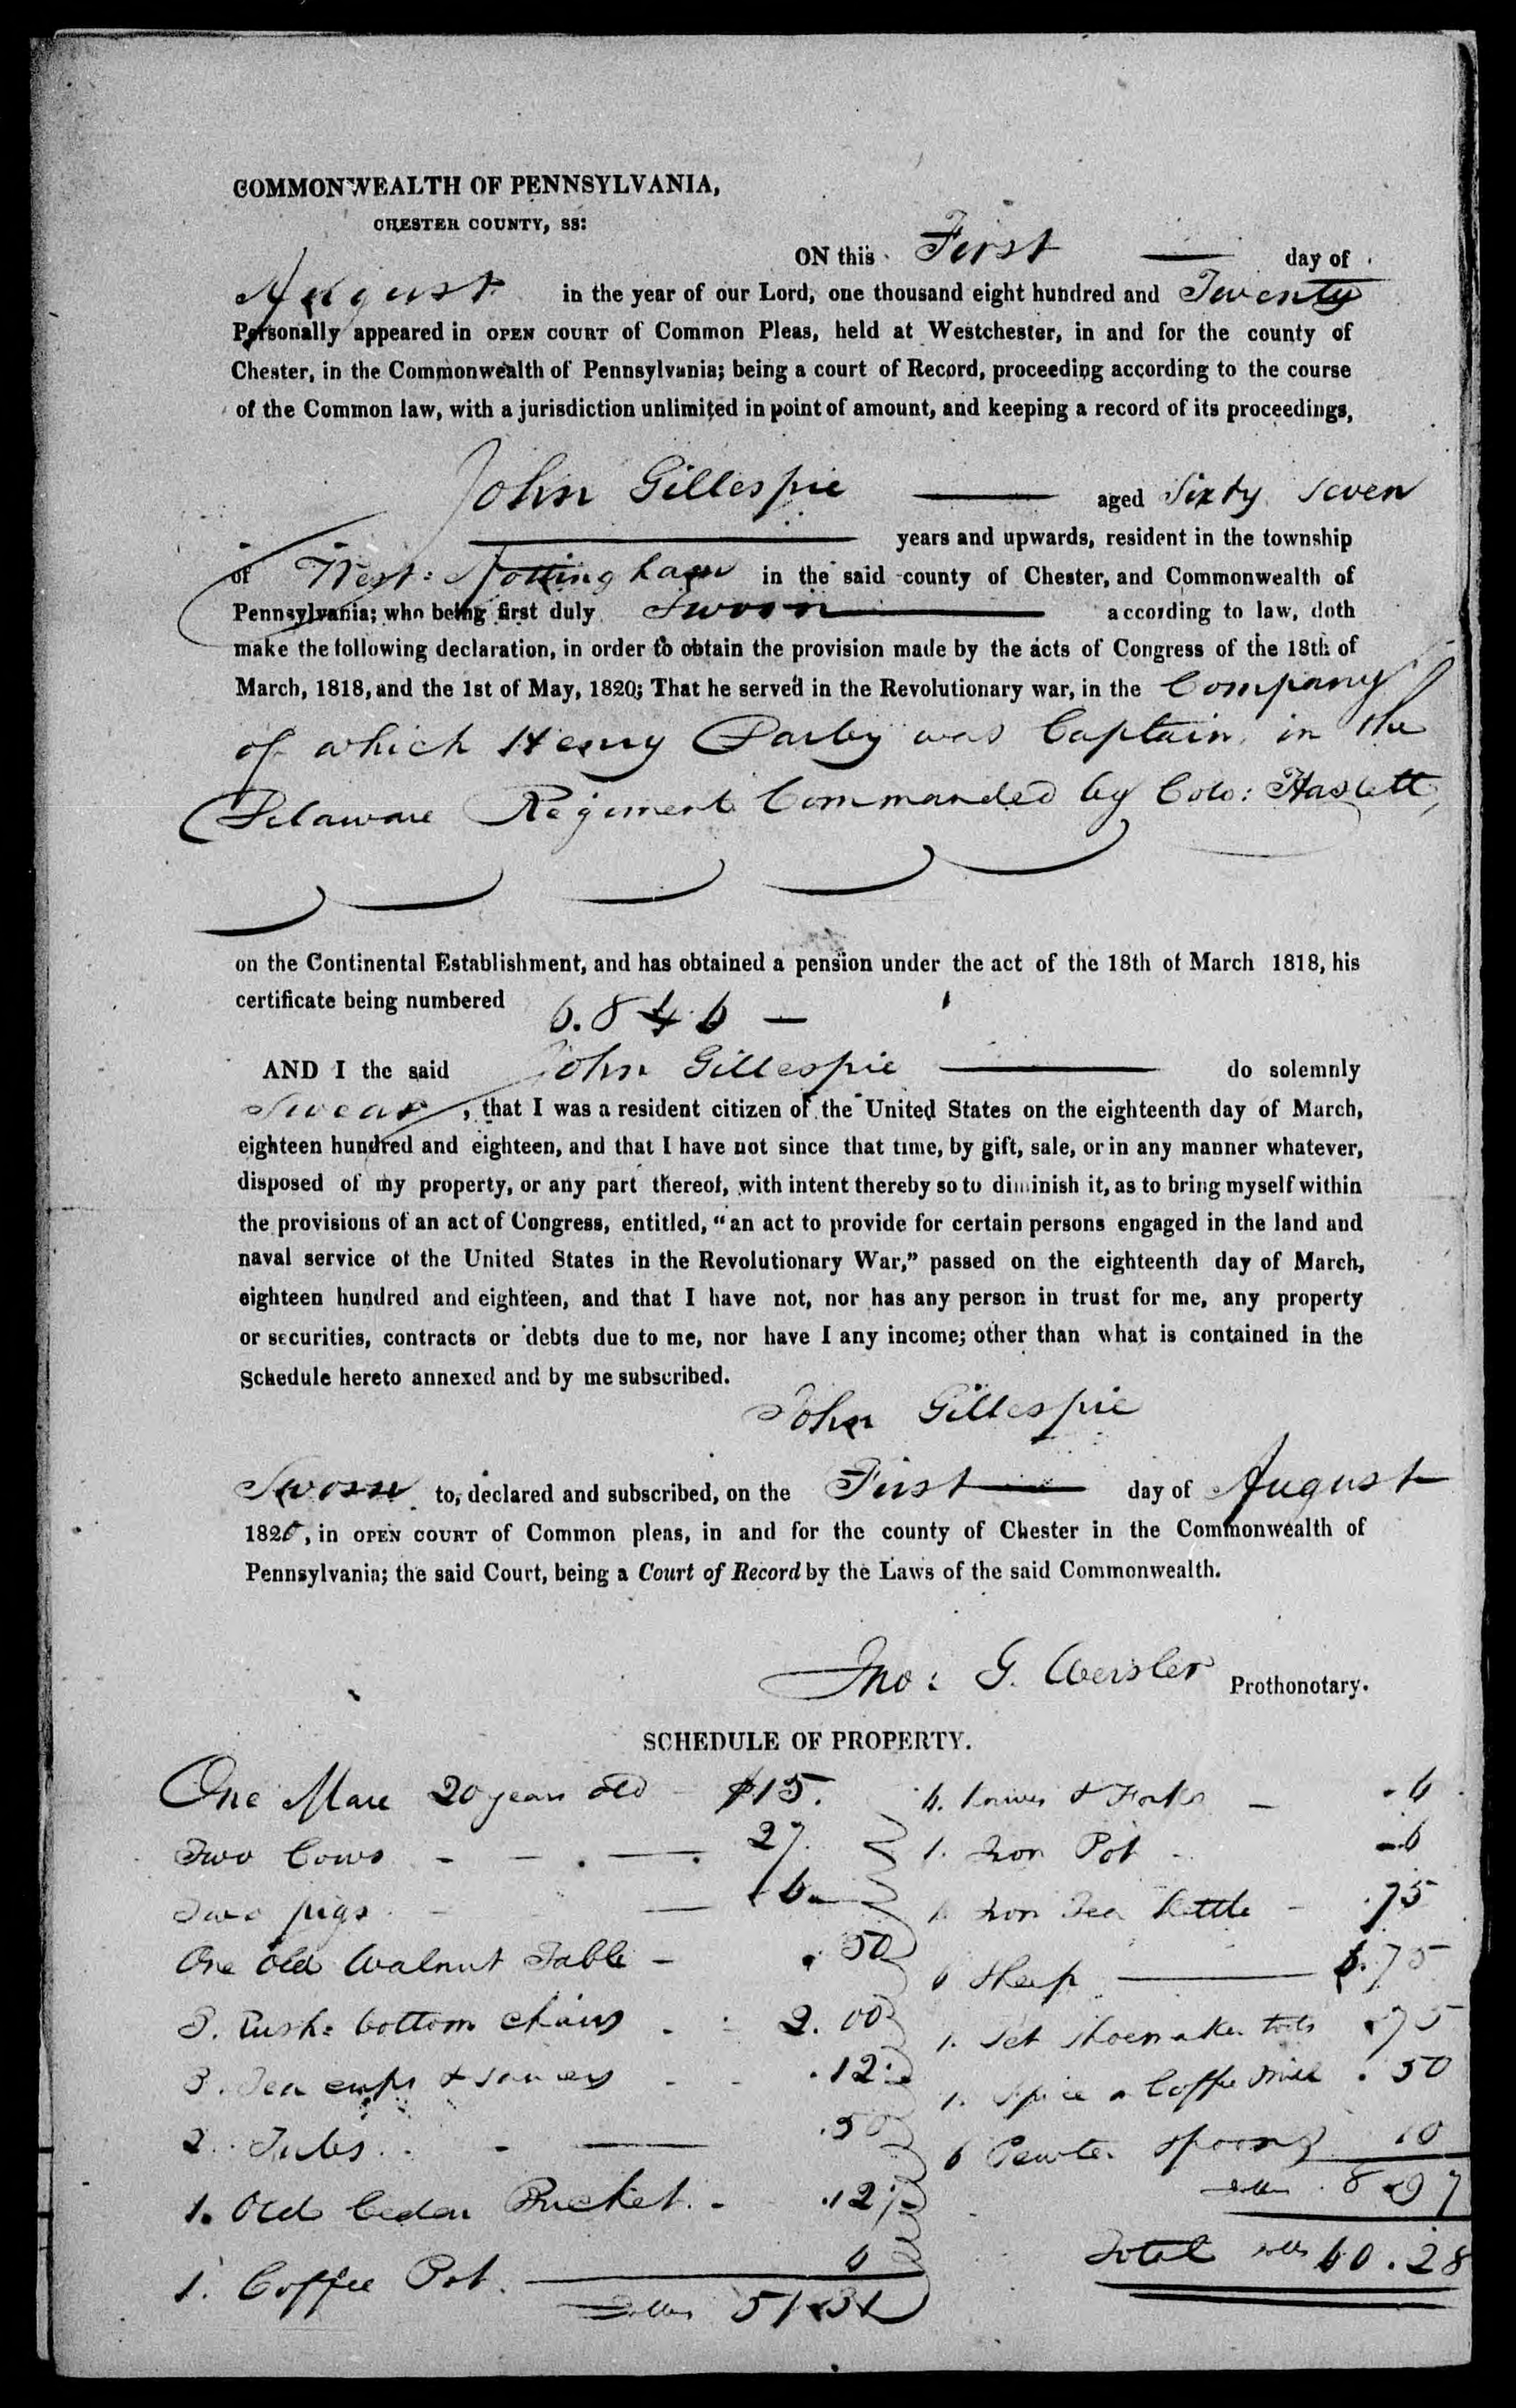Commonwealth of Pennsylvania
Chester County, SS:
On this first day of August in the year of our Lord, one thousand eight hundred and twenty Personally appeared in open court of Common Pleas, held at Westchester, in and for the county of Chester, in the Commonwealth of Pennsylvania; being a court of Record, proceeding according to the course of the Common law, with a jurisdiction unlimited in point of amount, and keeping a record of its proceeds, John Gillespie aged sixty seven of West Nottingham in the said county of Chester, and Commonwealth of Pennsylvania; who being first duly sworn according to law, doth make the following declaration, in order to obtain the provision made of the acts of Congress of the 18th of march, 1818, and the 1st of May, 1820; That he served in the Revolutionary war, in the Company of which Henry Parley was Captain, in the Delaware Regiment commanded by Colo Halsett on the Continental Establishment, and has obtained a pension under the act of the 18th of March 1818, his certificate being numbered 6.846 and I the said John Gillespie do solemnly wear that I was a resident citizen of the United States on the eighteenth day of March, eighteen hundred and eighteen, and that I have not since that time, by gift, sale, or in any manner whatever, disposed of my property, or any part thereof, with intent thereby so to diminish it, as to bring myself within the provisions of an act of Congress, entitled, "an act to provide for certain persons engaged in the land and naval service of the United States in the Revolutionary War," passed on the eighteenth day of march, eighteen hundred and eighteen, and that I have not, nor has any person in trust for me, any property or securities, contracts or debts due to me, nor have I any income; other than what is contained in the schedule hereto annexed and by me subscribed.
[signature] John Gillespie

Sworn to, declared and subscribed on the first day of August 1820, in open court of Common please, in and for the county of Chester in the Commonwealth of Pennsylvania; the said Court, being a Court of Record by the Laws of the said Commonwealth.

[signature] Jno G Wersler Prothonotary.

Schedule of Property

One mare 20 years old $15
Two cows 27
Two jugs 6
One old walnut table .50
2 rush bottom chairs 2.00
3 tea cups & saucers .12
2 Tubs .50
1 old cedar bucket  .12
1 coffee pot 6
6 knives & forks .6
1 iron pot .6
iron tea kettle .75
[illegible ]  $.75
1 set shoemaker tools .75
1 spice & coffee mill .50
6 pewter spoons .10
Total 60.28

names: John Gillespie, Jno G Wersler, John Gillespie, Henry Parley, Haslett, John Gillespie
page: 5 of 20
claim: survivor's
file: S. 41581, John Gillespie, Continental Del.